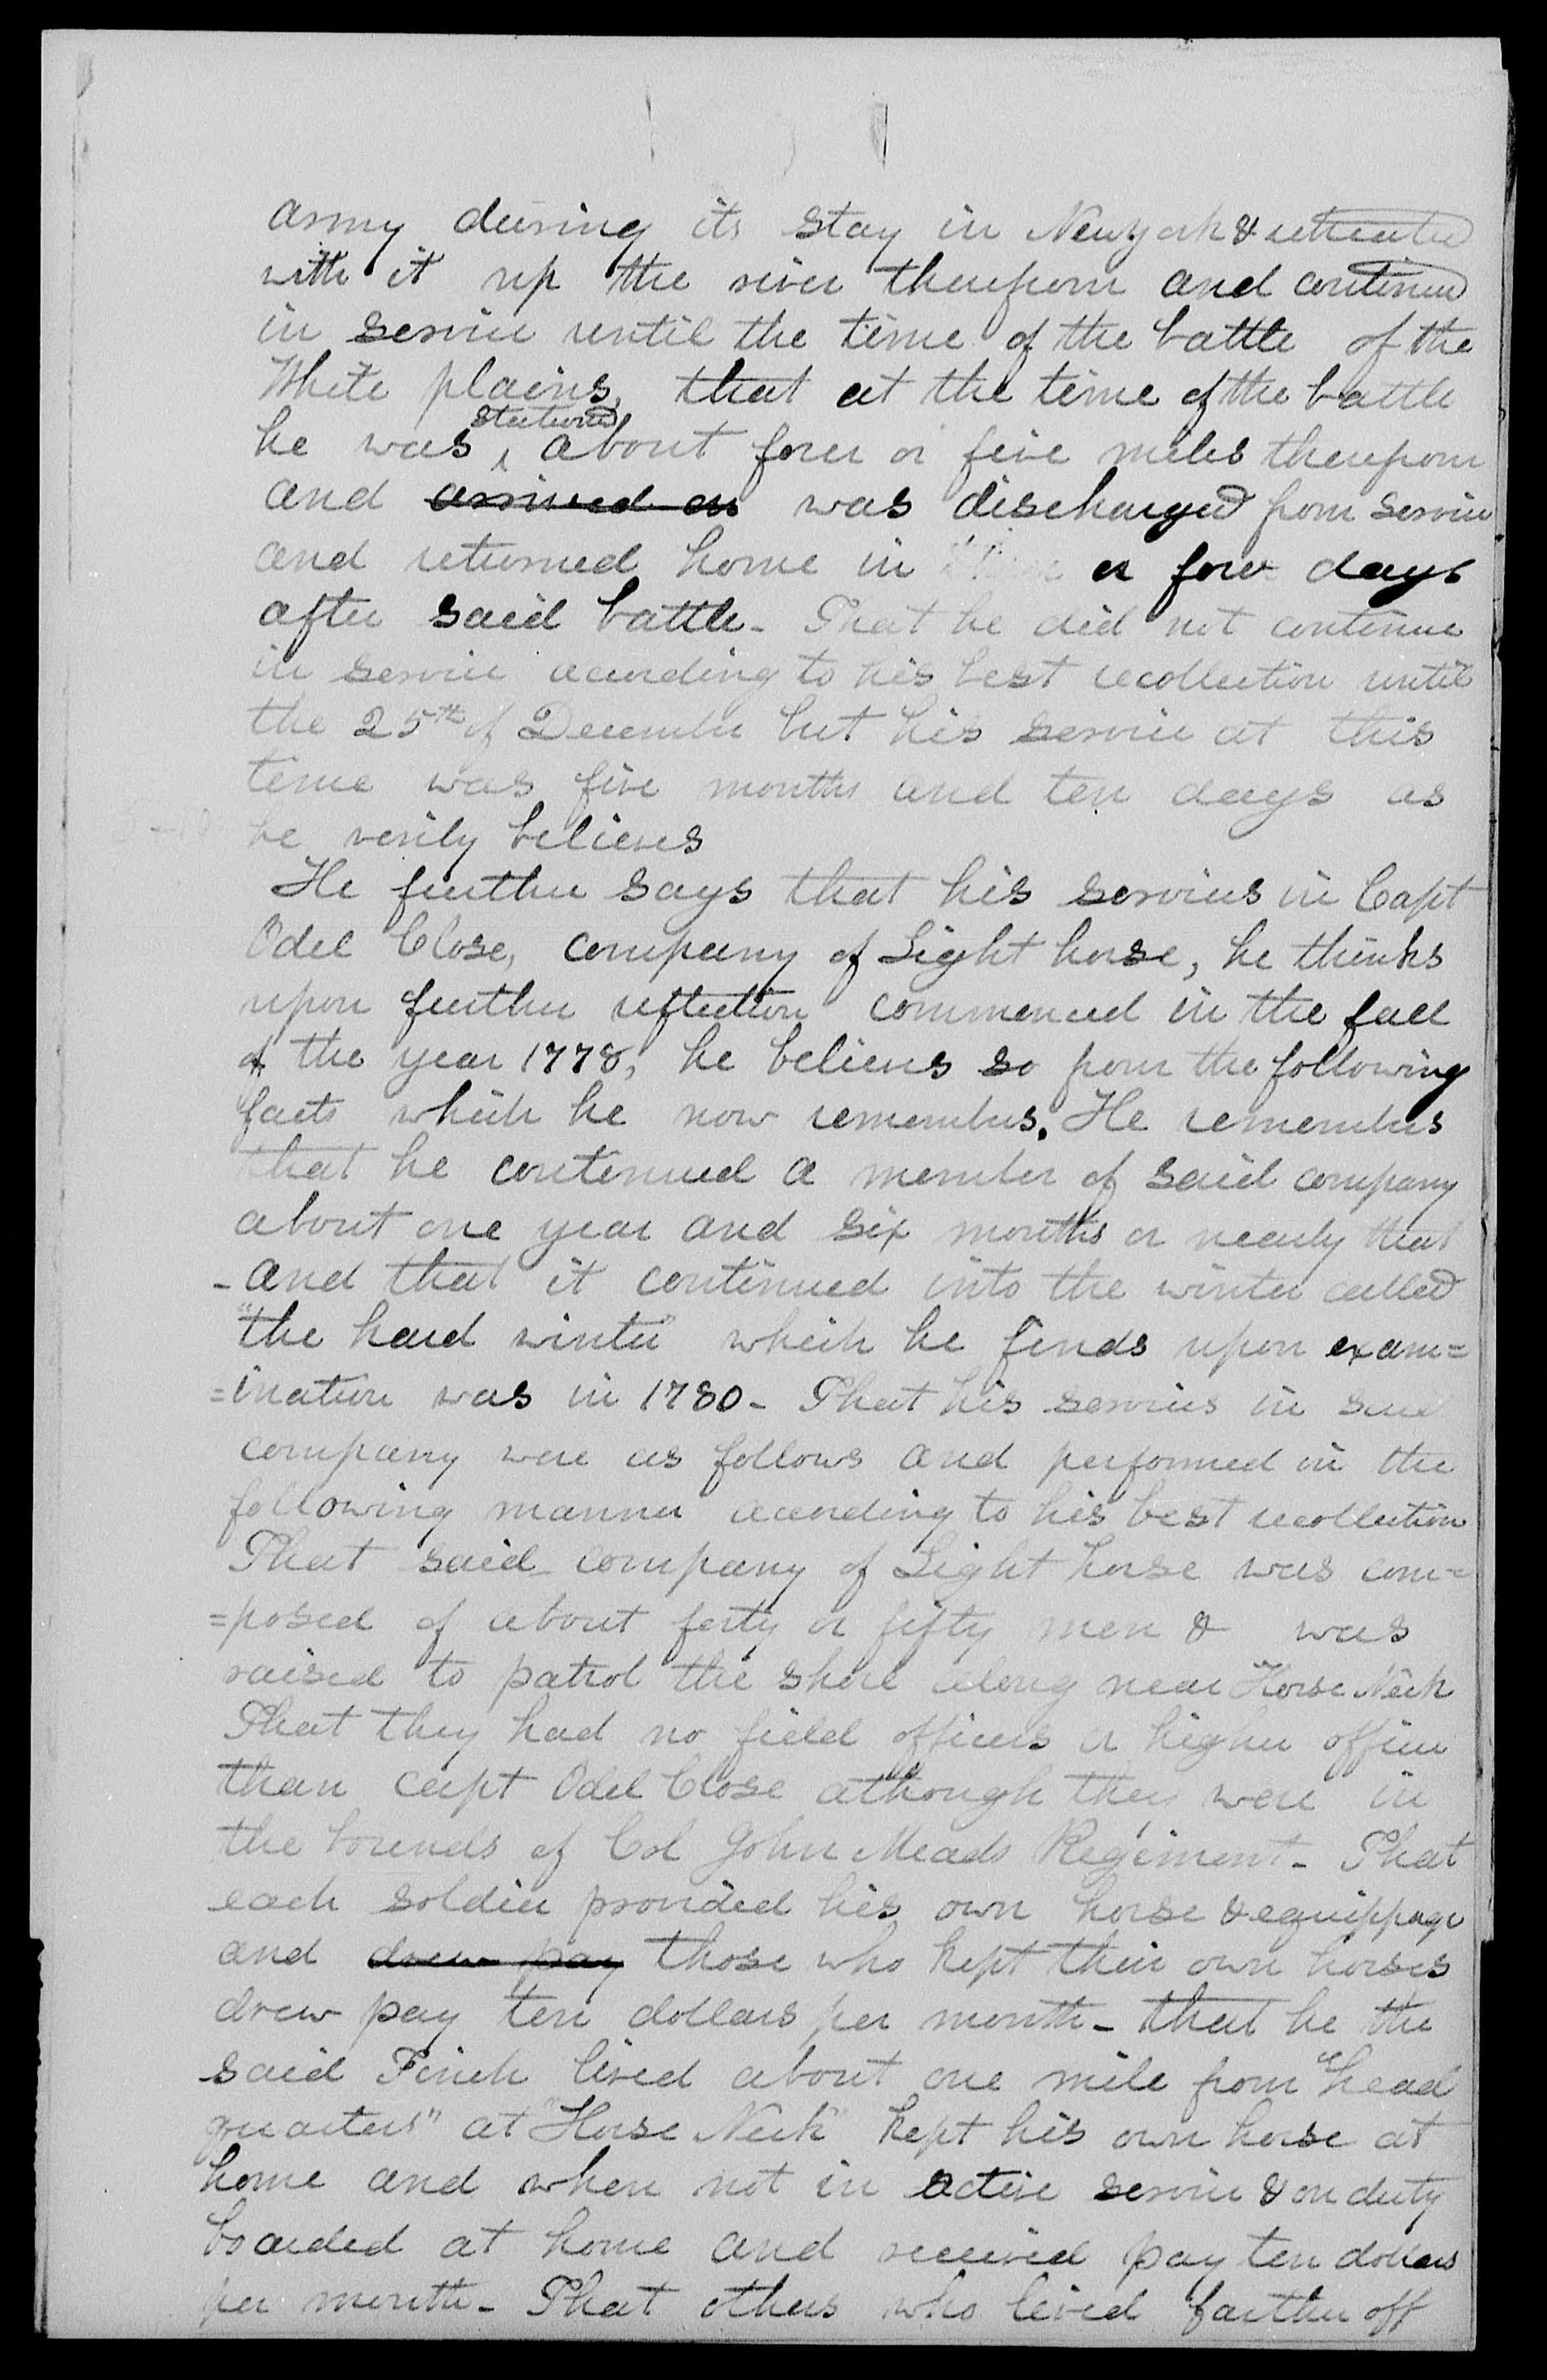Army during its stay in New York & retreated with it up the river therefrom and continued in service until the time of the battle of the White Plains, that at the time of the battle he was stationed about four or five miles therefrom and [arrived on] was discharged from service and returned home in three or four days after said battle. That he did not continue in service according to his best recollection until the 25th of December but his service at this time was five months and ten days as he verily believes He further says that his services in Capt Odel Close, Company of Light horse, he thinks upon further reflection commenced in the fall of the year 1778, he believes so from the following facts which he now remembers. He remembers that he continued a member of said company about one year and six months or nearly that and that it continued into the winter called "the hard winter" which he finds upon examination was in 1780. That his services in said company were as follows and performed in the following manner according to his best recollection
That said company of Light horse was composed of about forty or fifty men & was raised to patrol the shore along near Horse Neck That they had no field officers or higher officer then capt Odel Close although they were in the bounds of Col John Meads Regiment. That each soldier provided his own horse & equippage and [drew pay] those who kept their own horses drew pay ten dollars per month, that he the said Finch lived about one mile from "head quarters" at "Horse Neck" kept his own house at home and where not in active service & on duty boarded at home and received pay ten dollars per month. That others who lived farther off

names: Odel Close, Finch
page: 30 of 35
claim: survivor's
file: S. 28727, Abraham Finch, Conn.